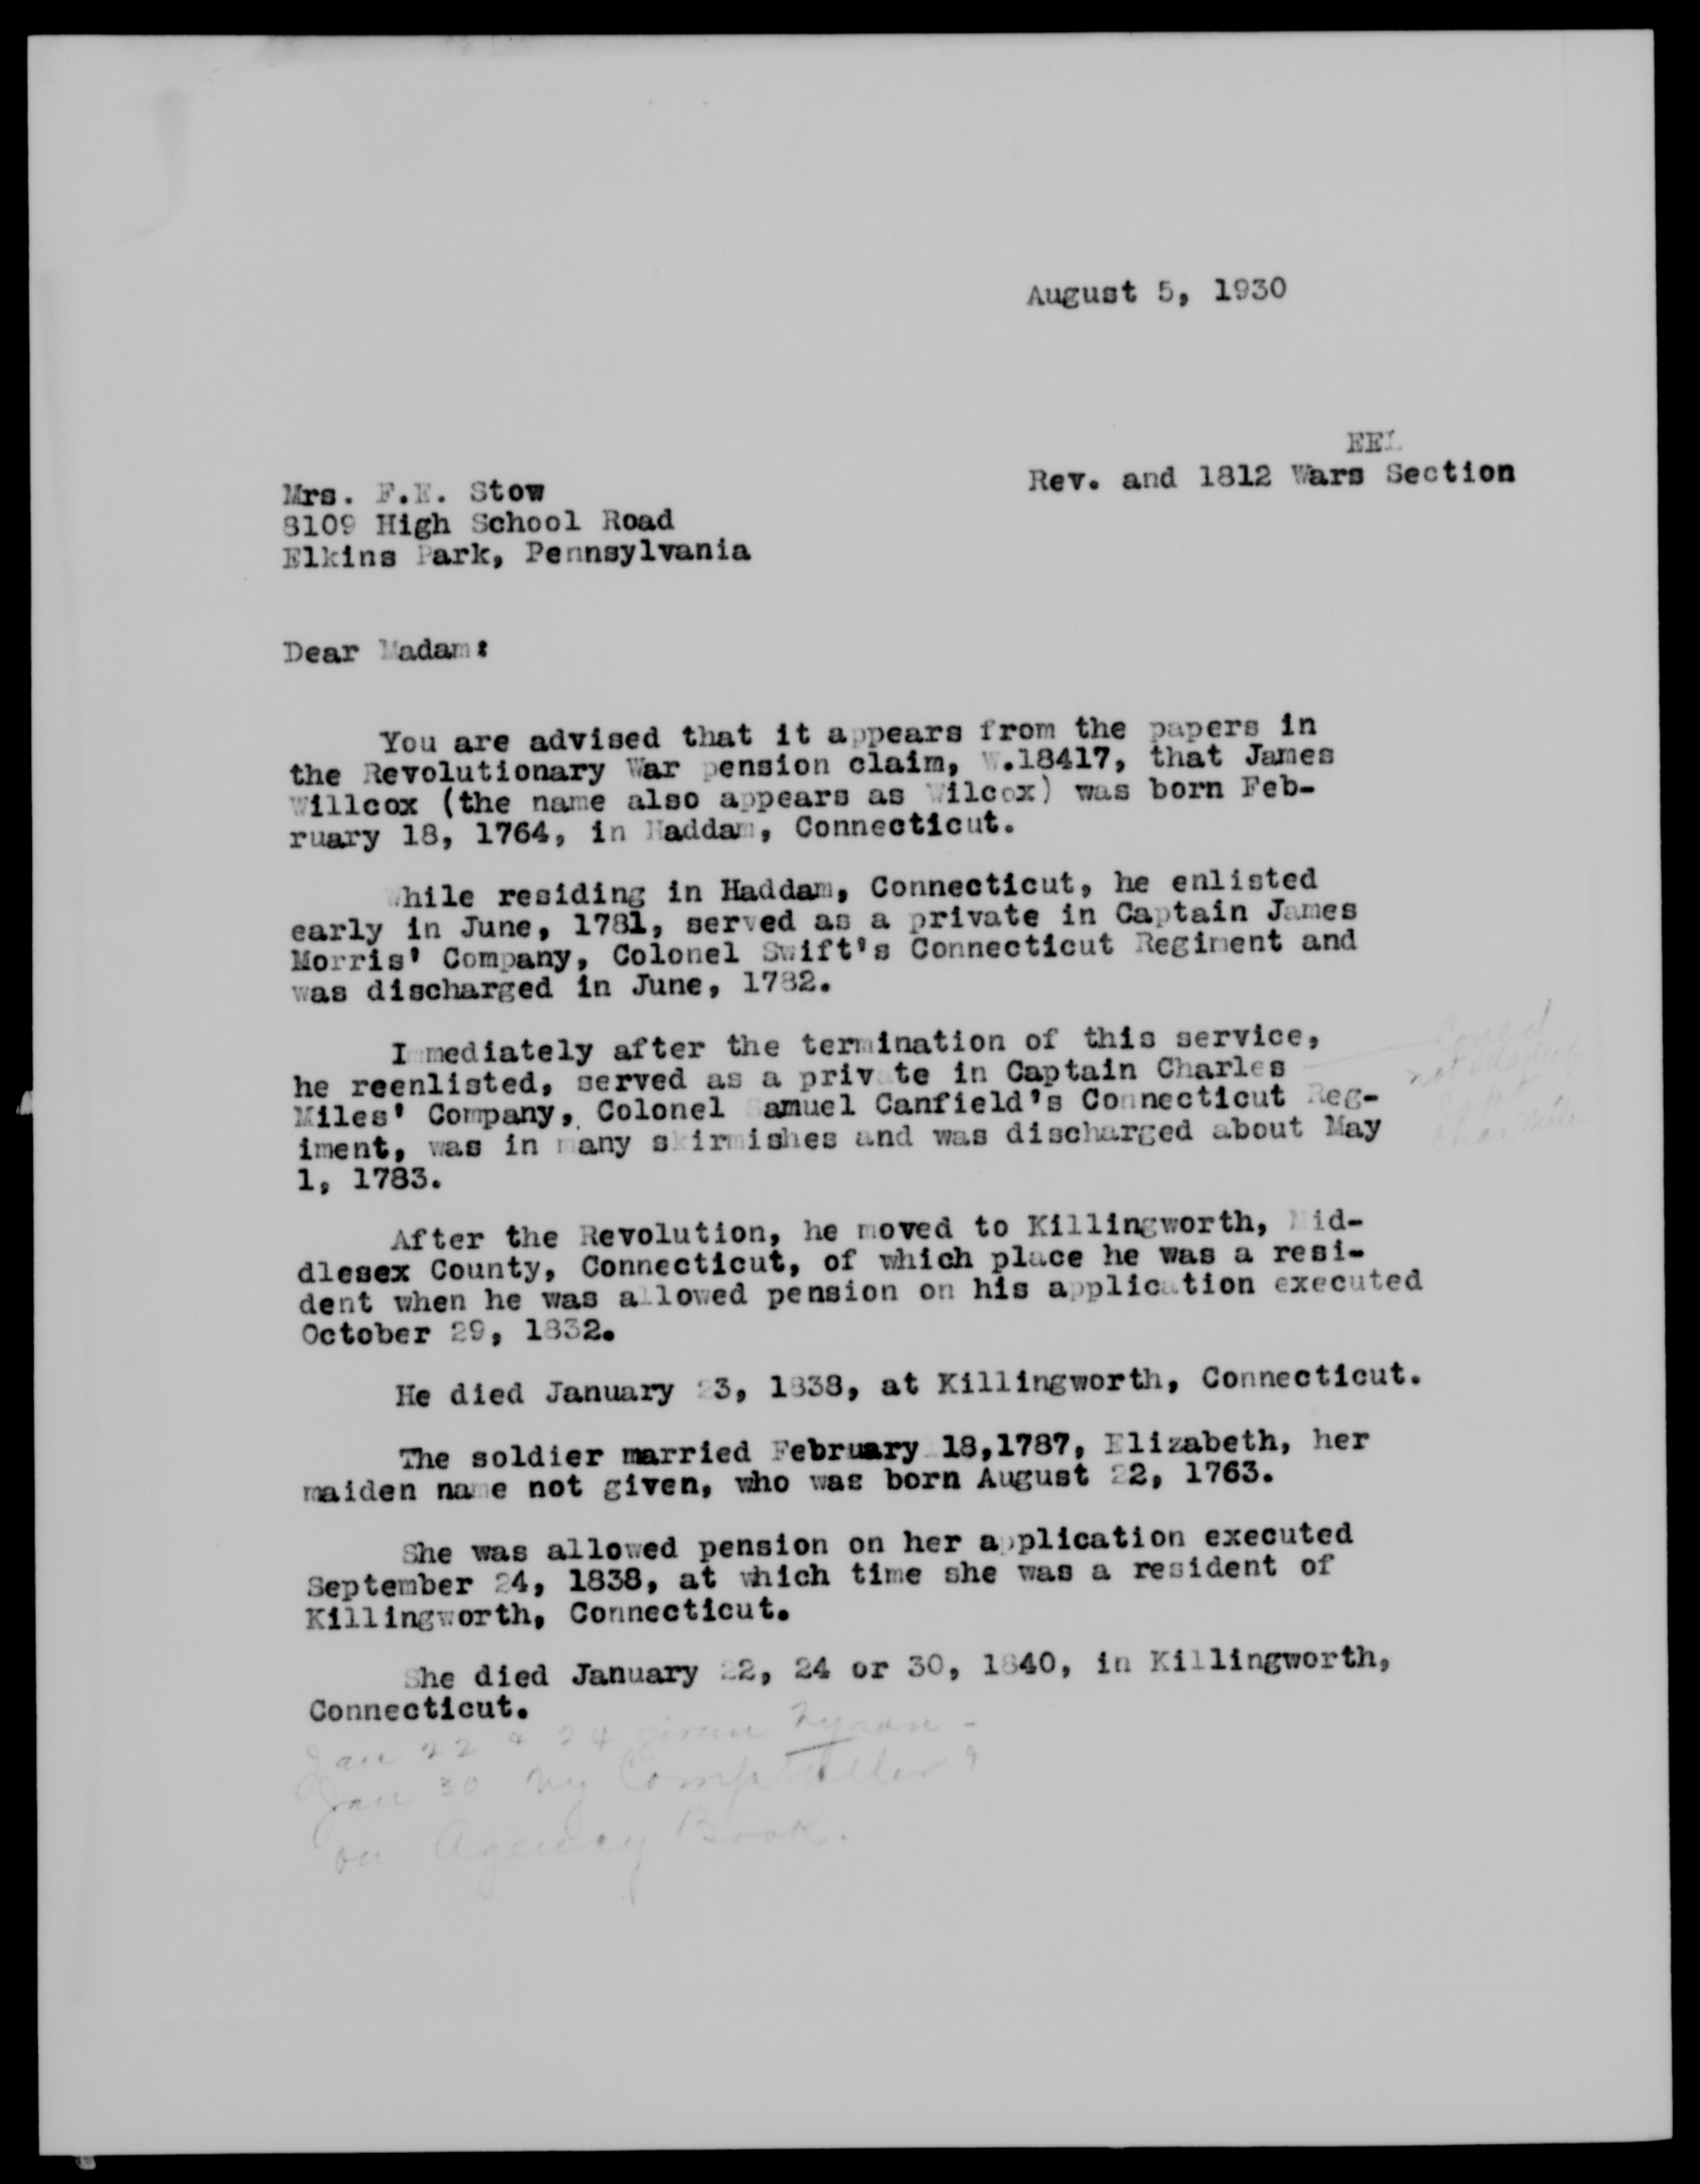August 5, 1930

EEL
Rev. and 1812 Wars Section

Mrs. F. E. Stow
8109 High School Road
Elkins Park, Pennsylvania

Dear Madam:

You are advised that it appears from the papers in the Revolutionary War pension Claim, W.18417, that James Willcox (the name also appears as Wilcox) was born February 18, 1764, in Haddam, Connecticut.

While residing in Haddam, Connecticut, he enlisted early in June, 1781, served as a private in Captain James Morris' Company, Colonel Swift's Connecticut Regiment and was discharged in June, 1782.

Immediately after the termination of this service, he reenlisted, served as a private in Captain Charles ( Could not identify Capt. Charles Miles)  Miles' Company, Colonel Samuel Canfield's Connecticut Regiment, was in many skirmishes and was discharged about May 1, 1783.

After the Revolution, he moved to Killingworth, Middlesex County, Connecticut, of which place he was a resident when he was allowed pension on his application executed October 29, 1832.

He died January 23, 1838, at Killingworth, Connecticut.

The soldier married February 18, 1787, Elizabeth, her maiden name not given, who was born August 22, 1763.

She was allowed pension on her application executed September 24, 1838, at which time she was a resident of Killingworth, Connecticut.

She died January 22, 24 or 30, 1840, in Killingworth, Connecticut.

Jan 22 & 24 [    ] NY [    ]
Jan 30 NY Comptroller [ ]
on Agency Book.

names: James Willcox, James Wilcox, Elizabeth, F E Stow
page: 44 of 46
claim: widow's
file: W. 18,417, James Willcox, Conn.